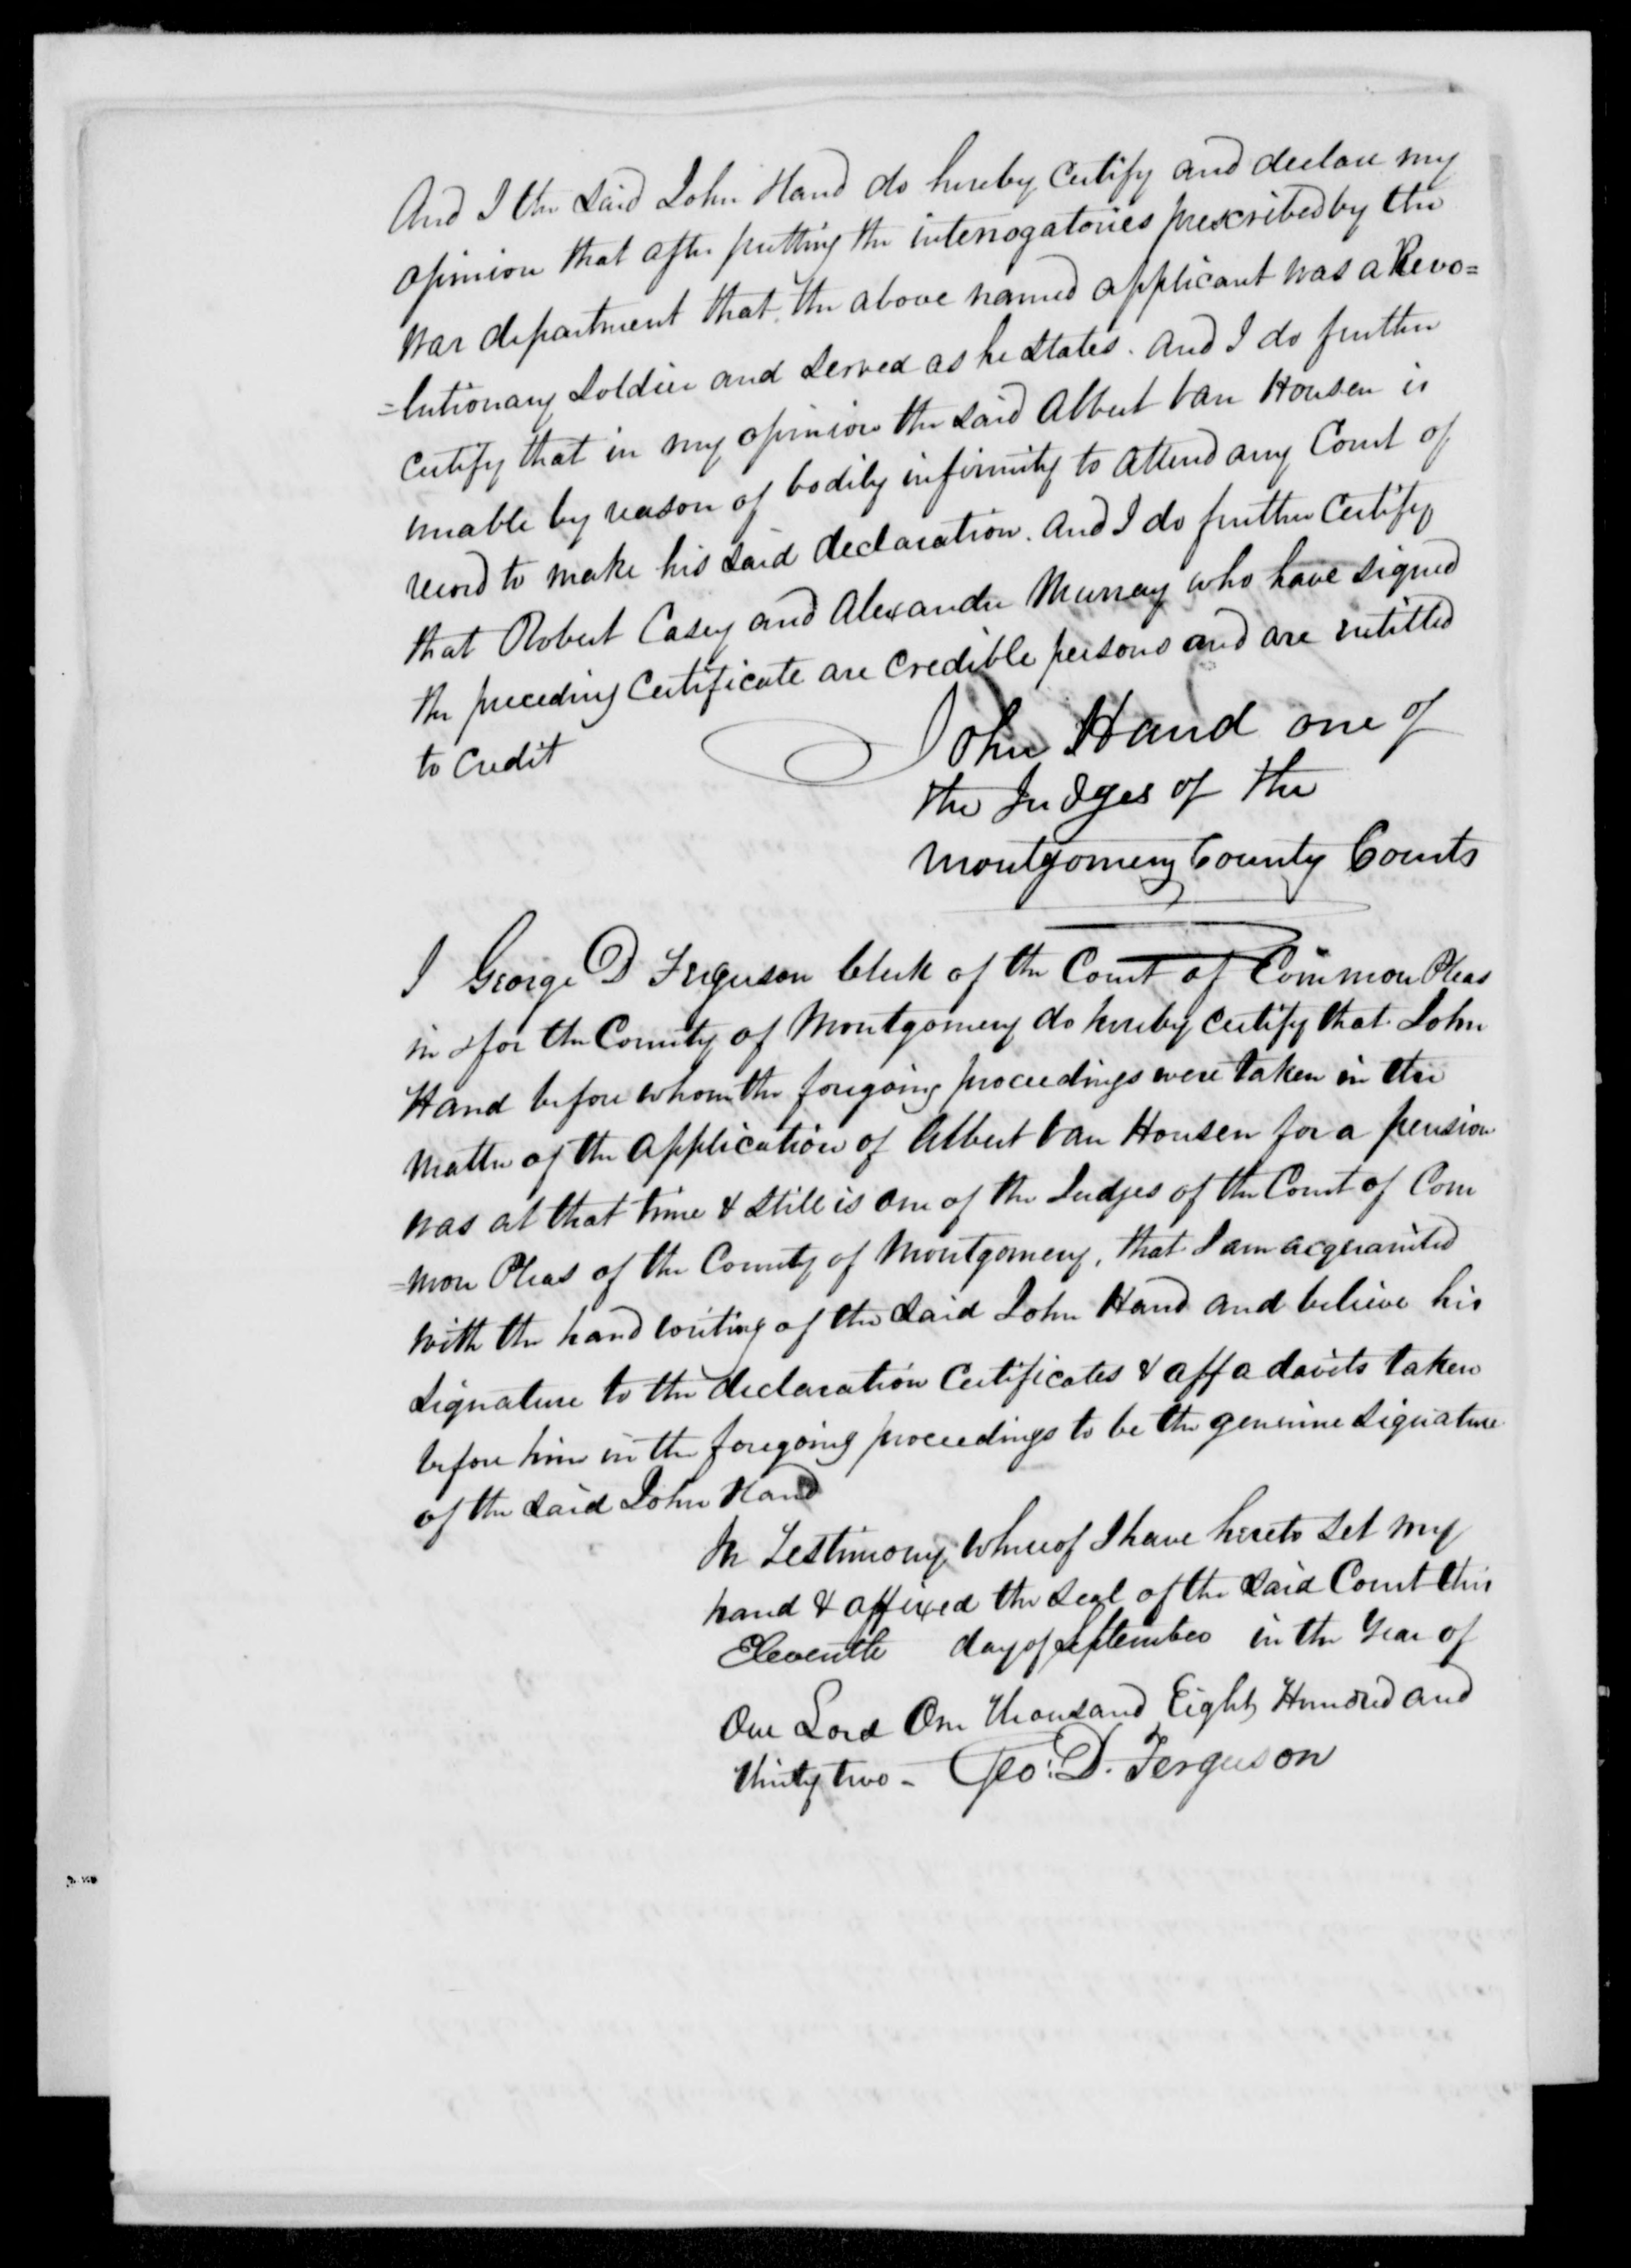And I the said John Hand do hereby certify and declare my opinion that after putting the interrogatories prescribed by the War department that the above named applicant was a Revolutionary soldier and served as he states. And I do further certify that in my opinion the said Albert Van Housen is unable by reason of bodily infirmity to attend any Court of record to make his said declaration. And I do further certify that Robert Casey and Alexander Murray who have signed the preceding certificate are credible persons and are entitled to credit 
[signed] John Hand one of the Judges of the Montgomery County Courts 

I George D Ferguson Clerk of the Court of Common Pleas in & for the County of Montgomery do hereby certify that John Hand before whom the foregoing proceedings were taken in the matter of the application of Albert Van Housen for a pension was at that time & still is one of the Judges of the Court of Common Pleas of the County of Montgomery, that I am acquainted with the hand writing of the said John Hand and believe his Signature to the declaration certificates & affidavits taken before him in the foregoing proceedings to be the genuine signature of the said John Hand 
In Testimony whereof I have hereto set my hand & affixed the seal of the said Court this Eleventh day of September in the year of Our Lord One thousand Eight Hundred and thirty two. 
[signed] Geo: D. Ferguson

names: John Hand, John Hand, Albert Van Housen, Geo D Ferguson, Alexander Murray, John Hand, John Hand, Albert Van Housen, George D Ferguson, Robert Casey, John Hand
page: 11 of 57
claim: survivor's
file: S. 28,925, Albert Van Housen, New York